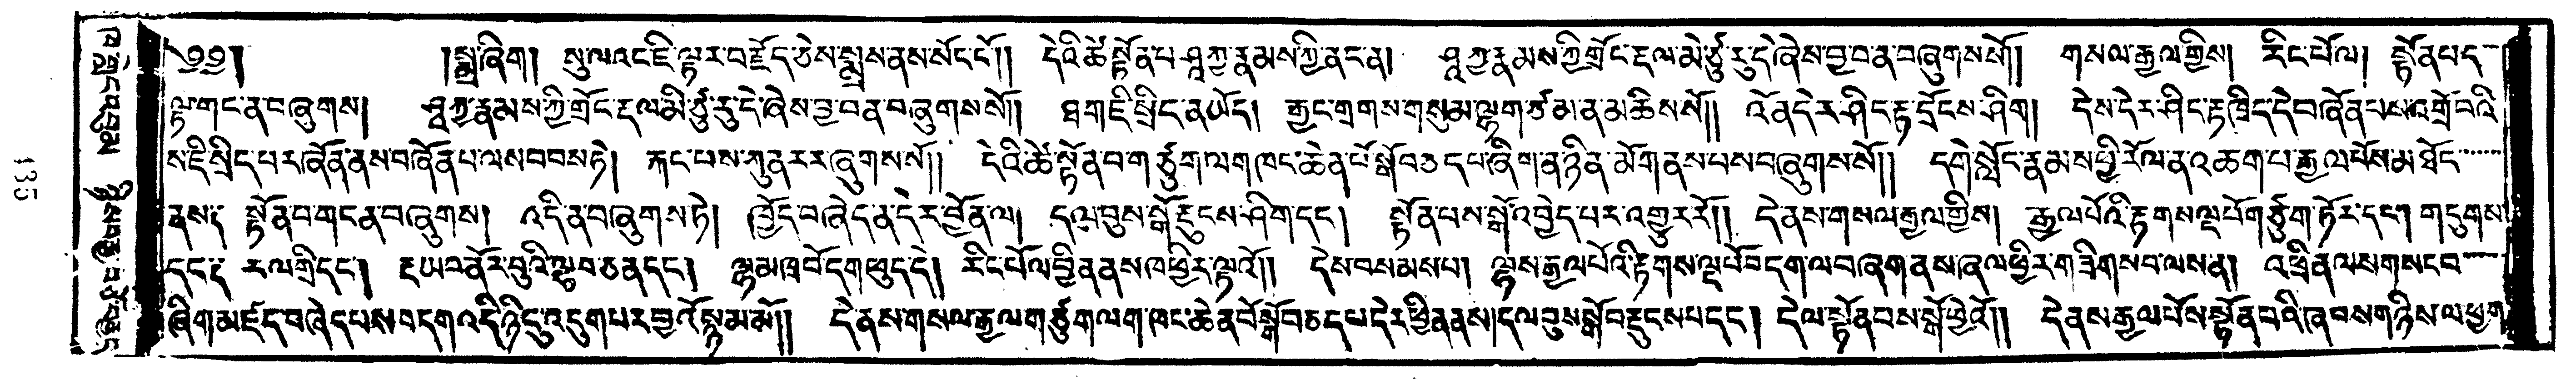༄༅། །སྨྲ་ཞིག། སུ་ལའང་ཇི་ལྟར་བརྗོད་ཅེས་སྨྲས་ནས་སོང་ངོ།། དེའི་ཚེ་སྟོན་པ་ཤཱཀྱ་རྣམས་ཀྱི་ནང་ན། ཤཱཀྱ་རྣམས་ཀྱི་གྲོང་རྡལ་མེ་ཙུ་རུ་དེ་ཞེས་བྱ་བ་ན་བཞུགས་སོ།། གསལ་རྒྱལ་གྱིས། རིང་པོ་ལ། སྟོན་པད་
ལྟ་གང་ན་བཞུགས། ཤཱཀྱ་རྣམས་ཀྱི་གྲོང་རྡལ་མི་ཙུ་རུ་དེ་ཞེས་བྱ་བ་ན་བཞུགས་སོ།། ཐག་ཇི་སྲིང་ན་ཡོད། རྒྱང་གྲགས་གསུམ་ལྷག་ཙམ་ན་མཆིས་སོ།། འོ་ན་དེར་ཤིང་རྟ་དྲོངས་ཤིག། དེས་དེར་ཤིང་རྟ་ཁྲིད་དེ་བཞོན་པས་འགྲོ་བའི་
ས་ཇི་སྲིད་པར་ཞོན་ནས་བཞོན་པ་ལས་བབས་ཏེ། རྐང་པས་ཀུན་རར་ཞུགས་སོ།། དེའི་ཚེ་སྟོན་པ་གཙུག་ལག་ཁང་ཆེན་པོ་སྒོ་བཅད་པ་ཞིག་ན་ཉིན་མགོ་ནས་པས་བཞུགས་སོ།། དགེ་སློང་རྣམས་ཕྱི་རོལ་ན་འཆག་པ་རྒྱལ་པོས་མཐོང་
ནས༑ སྟོན་པ་གང་ན་བཞུགས། འདི་ན་བཞུགས་ཏེ། ཁྱོད་བཞེད་ན་དེར་བྱོན་ལ། དལ་བུས་སྒོ་རྡུངས་ཤིག་དང་། སྟོན་པས་སྒོ་འབྱེད་པར་འགྱུར་རོ།། དེ་ནས་གསལ་རྒྱལ་གྱིས། རྒྱལ་པོའི་རྟགས་ལྔ་པོ་གཙུག་ཏོར་དང་། གདུགས་
དང༑ རལ་གྲི་དང་། རྔ་ཡབ་ནོར་བུའི་ལྷབ་ཅན་དང་། ལྷམ་ཁྲོ་བོ་དག་ཕུད་དེ། རིང་པོ་ལ་བྱིན་ནས་ཁ་ཕྱིར་ལྟའོ།། དེས་བསམས་པ། ལྷས་རྒྱལ་པོའི་རྟགས་ལྔ་པོ་བདག་ལ་བཞག་ནས་ཞལ་ཕྱིར་གཟིགས་པ་ལས་ན། འཕྲིན་ལས་གསང་བ་
ཞིག་མཛད་བཞེད་པས་བདག་འདི་ཉི་དུ་འདུག་པར་བྱའོ་སྙམ་མོ།། དེ་ནས་གསལ་རྒྱལ་གཙུག་ལག་ཁང་ཆེན་བོ་སྒོ་བཅད་པ་དེར་ཕྱིན་ནས། དལ་བུས་སྒོ་བརྡུངས་པ་དང་། དེ་ལ་སྟོན་པས་སྒོ་ཕྱེའོ།། དེ་ནས་རྒྱལ་པོས་སྟོན་པའི་ཞབས་གཉིས་ལ་ཕྱག་